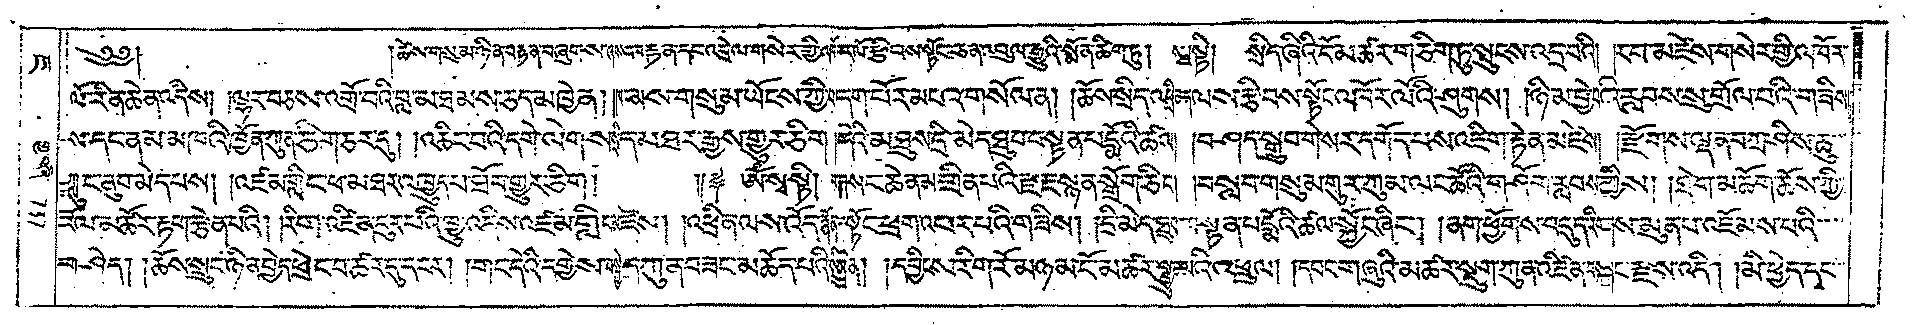༄༅། །ཚེས་གསུམ་ཉིན་བརྟན་བཞུགས་ཞབས་བརྟན་དང་འབྲེལ་གསེར་གྱི་འཁོར་ལོ་རྩིབས་སྟོང་ཅན་འབུལ་རྒྱུའི་སྨོན་ཚིག་ཏུ། སྭ་སྟི། སྲིད་ཞིའི་ངོ་མཚར་གཅིག་ཏུ་སྤུངས་འདྲ་བའི། །རབ་མཛེས་གསེར་གྱི་འཁོར་
ལོ་རིན་ཆེན་འདིས། །ལྷར་བཅས་འགྲོ་བའི་བླ་མ་ཐམས་ཅད་མཁྱེན། །ཁམས་གསུམ་ཡོངས་ཀྱི་བདག་པོར་མངའ་གསོལ་ན། །ཆོས་སྲིད་འཕྲིན་ལས་རྩིབས་སྟོང་འཁོར་ལོའི་ཤུགས། །ཉི་མ་བྱེ་བའི་རླབས་སུ་གྲོལ་བའི་གཟིས།།
ས་དང་ནམ་མཁའི་ཁྱོན་ཀུན་ཅིག་ཅར་དུ། །འཆིང་བའི་དགེ་ལེགས་སྲིད་མཐར་རྒྱས་གྱུར་ཅིག །དེའི་མཐུས་དྲི་མེད་ཐུབ་བསྟན་པདམོའི་ཚལ། །བཤད་སྒྲུབ་གེ་སར་དགོད་པས་འཇིག་རྟེན་མཛེས། །རྫོགས་ལྡན་བཀྲ་ཤིས་ཆུ་
ཀླུང་ནུབ་མེད་པས། །འཛམ་གླིང་ཕ་མཐར་འཁྱུད་པ་ཐོབ་གྱུར་ཅིག ། །།༈ ཨོཾ་སྭ་སྟི། གསང་ཆེན་མགྲིན་པའི་རྫ་རྔ་སྙན་སྒྲོག་ཅིང་། །བསླབ་གསུམ་གུར་ཀུམ་ལང་ཚོའི་གཤོག་རླབས་ཀྱིས། །ཐེག་མཆོག་ཆོས་ཀྱི་
རོལ་མཚོར་རྟག་རྩེན་པའི། །རིག་འཛིན་ངུར་པའི་ཁྱུ་འདིས་འཛམ་གླིང་མཛེས། །འཕྲིན་ལས་འོད་རྣོན་སྟོང་ཕྲག་འབར་པའི་གཟིས། །དྲི་མེད་ཐུབ་བསྟན་པདམོའི་ཚལ་སྐྱོང་ཞིང་། །ནག་ཕྱོགས་བདུད་རིགས་མུན་པ་འཇོམས་པའི་
གཤེད། །ཆོས་སྲུང་ཉིན་བྱེད་ཕྲེང་བ་ཚར་དུ་དངར། །གང་དེའི་དགྱེས་བསྐྱེད་ཀུན་བཟང་མཆོད་པའི་སྤྲིན། །དབྱིངས་རིག་རོ་མཉམ་ངོ་མཚར་སྒྱུ་མའི་འཕྲུལ། །དབང་གཞུའི་མཚར་སྡུག་ཀུན་འཛིན་བསྐང་རྫས་འདི། །མི་ཕྱེད་དྭང་